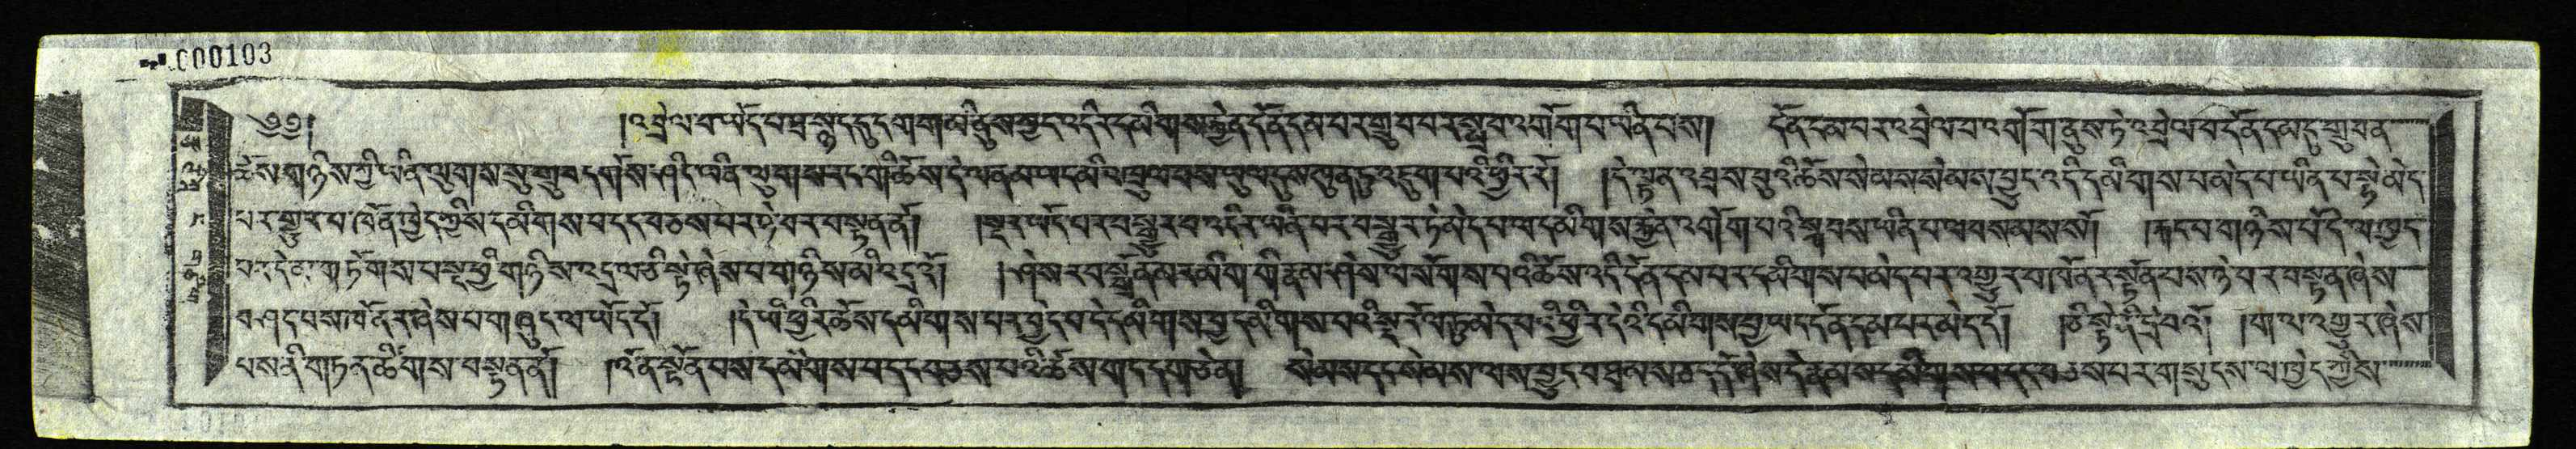༄༅། །འབྲེལ་བ་ཡོད་པ་ཐ་སྙད་དུ་དགག་མི་ནུས་ཀྱང་འདིར་དམིགས་རྐྱེན་དོན་དམ་པར་གྲུབ་བར་སྨྲ་བ་འགོག་པ་ཡིན་པས། དོན་དམ་པར་འབྲེལ་བ་འགོག་ནུས་ཏེ་འབྲེལ་བ་དོན་དམ་དུ་གྲུབ་ན་
ཆོས་གཉིས་ཀྱི་ཡིན་ལུགས་སུ་གྲུབ་དགོས་ཤིང་ཡིན་ལུགས་རང་གི་ཆོས་དེ་ལ་ནམ་ཡང་མི་འཁྲུལ་བས་ཡུལ་དུས་ཀུན་ཏུ་འཇུག་པའི་ཕྱིར་རོ། །དེ་ལྟ་ན་འབྲས་བུའི་ཆོས་སེམས་སེམས་བྱུང་འདི་དམིགས་པ་མེད་པ་ཡིན་པ་སྟེ་མེད་
པར་གྱུར་པ་ཁོ་ན་ཁྱེད་ཀྱིས་དམིགས་པ་དང་བཅས་པར་ཉེ་བར་བསྟན་ནོ། །སྔར་ཡོད་པར་བསྒྱུར་བ་འདིར་ཡིན་བར་བསྒྱུར་ཏེ་མེད་པ་ལ་དམིགས་རྐྱེན་འགོག་བའི་སྐབས་ཡིན་པ་ལ་བསམས་སོ། །རྐང་བ་གཉིས་པོ་དེ་ལ་ཁྱད་
ཕ༹པར་དེ་མ་གཏོགས་པ་སྔ་ཕྱི་གཉིས་འདྲ་ལ་ཅི་སྟེ་ཞེས་པ་གཉིས་མི་འདྲའོ། །ཤེས་རབ་སྒྲོན་མར་མིག་གི་རྣམ་ཤེས་ལ་སོགས་པའི་ཆོས་འདི་དོན་དམ་པར་དམིགས་པ་མེད་པར་འགྱུར་བ་ཁོ་ནར་སྟོན་པས་ཉེ་བར་བསྟན་ཞེས་
བཤད་བས་ཁོ་ནར་ཞེས་པ་གཞུང་ལ་ཡོད་དོ། །དེ་ཡི་ཕྱིར་ཆོས་དམིགས་པར་བྱེད་བ་དེ་དམིགས་བྱ་དམིགས་པའི་སྔ་རོལ་ཏུ་མེད་པའི་ཕྱིར་དེའི་དམིགས་བྱ་ཡང་དོན་དམ་པར་མེད་དོ། །ཅི་སྟེ་ནི་དྲེ་བའོ། །ག་ལ་འགྱུར་ཞེས་
པས་ནི་གཏན་ཚིགས་བསྟན་ནོ། །འོ་ན་སྟོན་པས་དམིགས་པ་དང་བཅས་པའི་ཆོས་གང་དག་ཅེ་ན། སེམས་དང་སེམས་ལས་བྱུང་བ་ཐམས་ཅད་དོ་ཞེས་དེ་རྣམས་དམིགས་པ་དང་བཅས་པར་གསུངས་ལ་ཁྱེད་ཀྱིས་